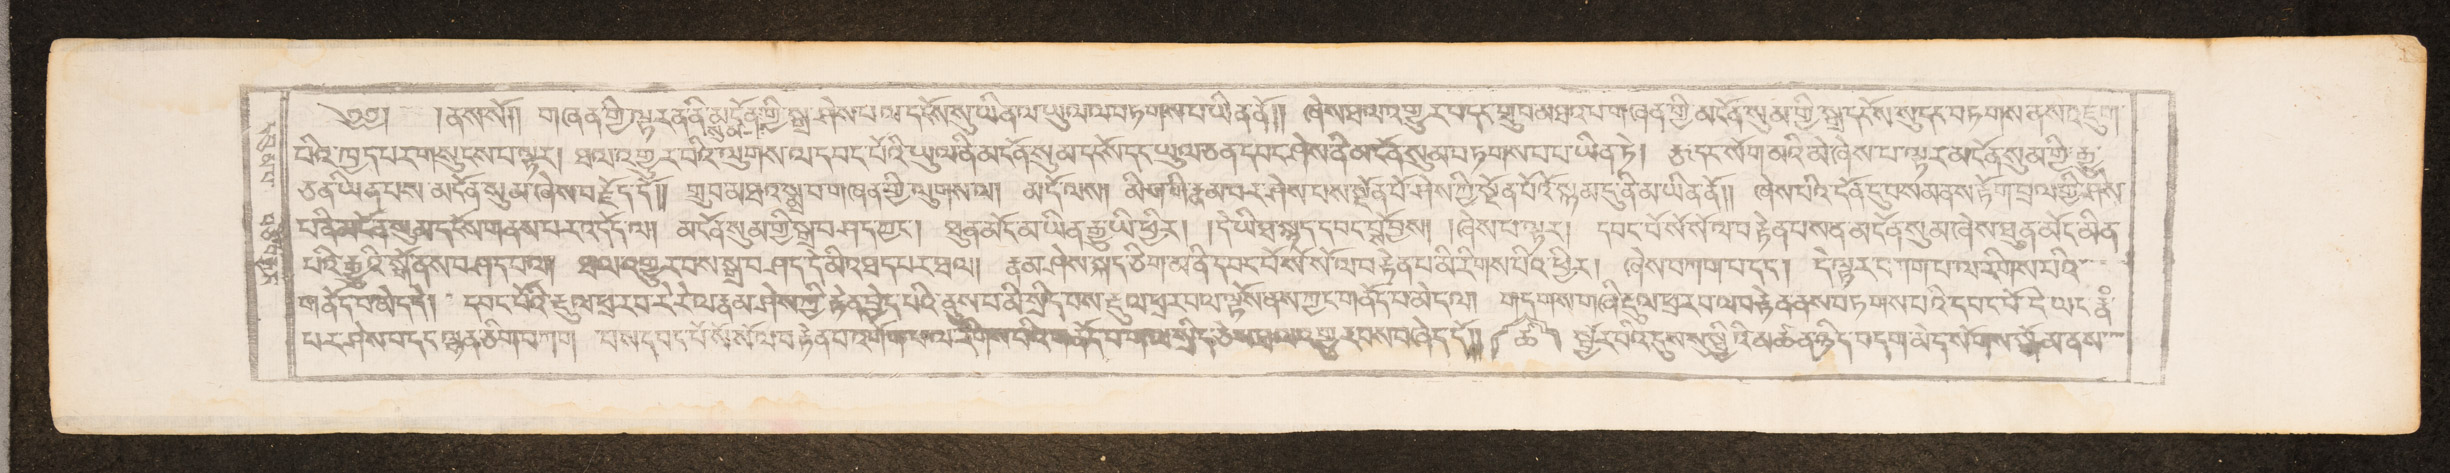༄༅། །ནས་སོ།། གཞན་གྱི་ལྟར་ན་ནི་སུམ་མངོན་གྱི་སྒྲ་ཤེས་པ་ལ་དངོས་སུ་ཡིན་ལ་ཡུལ་ལ་བཏགས་པ་ཡིན་ནོ།། ཞེས་ཐལ་འགྱུར་བ་དང་གྲུབ་མཐའ་པ་གཞན་གྱི་མངོན་སུམ་གྱི་སྒྲ་དངོས་སུ་དང་བཏགས་ནས་འཇུག་
བའི་ཁྱད་པར་གསུངས་པ་ལྟར། ཐལ་འགྱུར་བའི་ལུགས་ལ་དབང་པོའི་ཡུལ་ནི་མངོན་སུམ་དངོས་དང་ཡུལ་ཅན་དབང་ཤེས་ནི་མངོན་སུམ་བཏགས་པ་པ་ཡིན་ཏེ། རྩ་དང་སོགས་མའི་མེ་ཞེས་པ་ལྟར་མངོན་སུམ་གྱི་རྒྱུ་
ཅན་ཡིན་པས་མངོན་སུམ་ཞེས་བརྗོད་དོ།། གྲུབ་མཐའ་སྨྲ་བ་གཞན་གྱི་ལུགས་ལ། མདོ་ལས། མིག་གི་རྣམ་པར་ཤེས་པས་སྔོན་པོ་ཤེས་ཀྱི་སྔོན་པོའོ་སྙམ་དུ་ནི་མ་ཡིན་ནོ།། ཞེས་པའི་དོན་དུ་བསམ་ནས་རྟོག་བྲལ་གྱི་ཤེས་
པ་ནི་མངོན་སུམ་དངོས་གནས་པར་འདོད་ལ། མངོན་སུམ་གྱི་སྒྲ་བཤད་ཀྱང་། ཐུན་མོང་མ་ཡིན་རྒྱུ་ཡི་ཕྱིར། །དེ་ཡི་ཐ་སྙད་དབང་པོས་བྱས། །ཞེས་པ་ལྟར། དབང་པོ་སོ་སོ་ལ་བརྟེན་པས་ན་མངོན་སུམ་ཞེས་ཐུན་མོང་མིན་
པའི་རྒྱུའི་སྒོ་ནས་བཤད་པ་ལ། ཐལ་འགྱུར་བས་སྒྲ་བཤད་དེ་མི་འཐད་པར་ཐལ། རྣམ་ཤེས་སྐད་ཅིག་མ་ནི་དབང་པོ་སོ་སོ་ལ་བརྟེན་པ་མི་རིགས་པའི་ཕྱིར། ཞེས་བཀག་པ་དང་། དེ་ལྟར་བཀག་པ་ལ་རིགས་པའི་
གནོད་པ་མེད་དེ། དབང་པོའི་རྡུལ་ཕྲ་རབ་རེ་རེ་ལ་རྣམ་ཤེས་ཀྱི་རྟེན་བྱེད་པའི་ནུས་པ་མི་སྲིད་པས་རྡུལ་ཕྲ་རབ་ལ་ལྟོས་ནས་ཀྱང་གནོད་པ་མེད་ལ། གདགས་གཞི་རྡུལ་ཕྲ་རབ་ལ་བརྟེན་ནས་བཏགས་པའི་དབང་པོ་དེ་ཡང་རྣཾ་
པར་ཤེས་པ་དང་ལྷན་ཅིག་བཀག་པས་དབང་པོ་སོ་སོལ་བརྟེན་པ་འགོག་པ་ལ་རིགས་པའི་གཅོད་པ་གལ་སྲིད་ཅེས་ཐལ་འགྱུར་བས་བཞེད་དོ།། ༼༽ཆ༼༽ སྦྱོར་བའི་དུས་སུ་སྦྱིའི་མཚན་ཉིད་བདག་མེད་སོགས་སྒོམ་ནས་